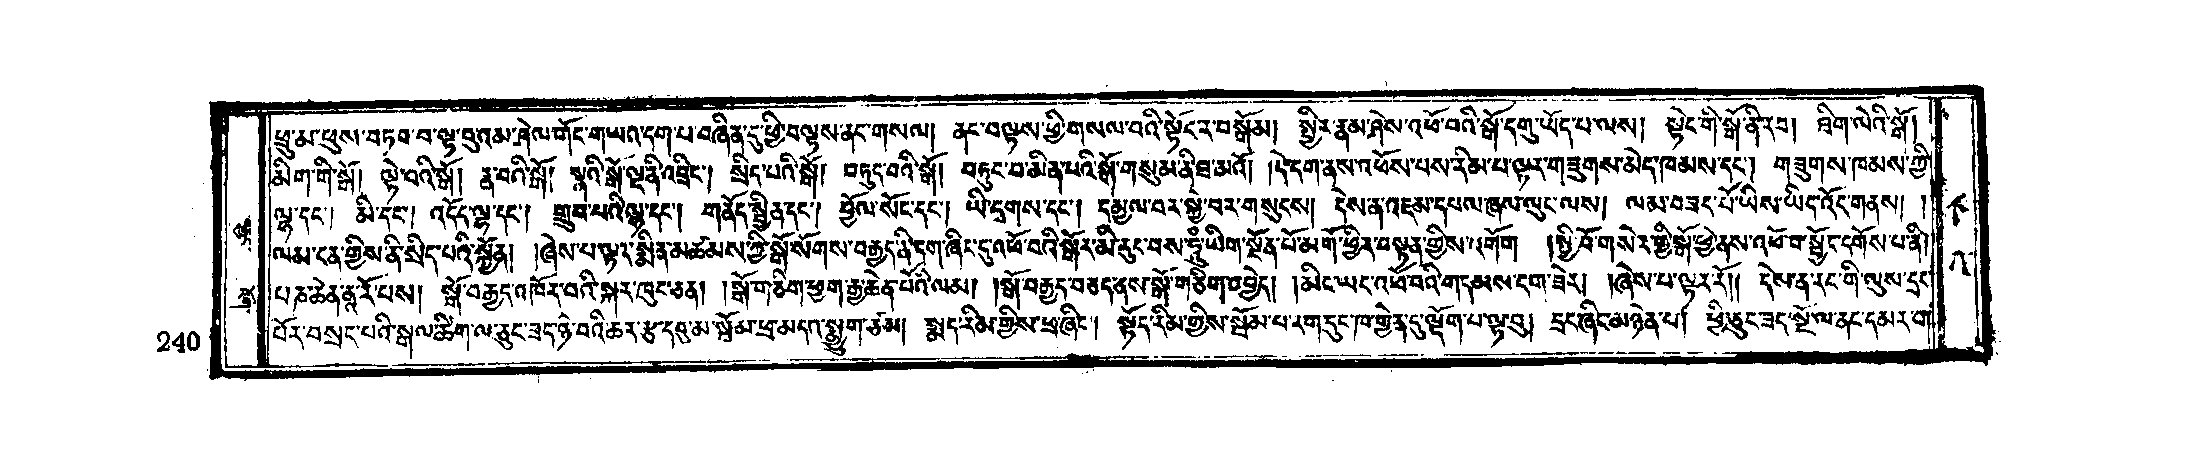ཕྲུ་མ་ཕུས་བཏབ་བ་ལྟ་བུ་འམ་ཤེལ་གོང་གཡའ་དག་པ་བཞིན་དུ་ཕྱི་བལྟས་ནང་གསལ། ནང་བལྟས་ཕྱི་གསལ་བའི་སྟོང་ར་བསྒོམ། སྤྱིར་རྣམ་ཤེས་འཕོ་བའི་སྒོ་དགུ་ཡོད་པ་ལས། སྟེང་གི་སྒོ་ནི་རབ། ཐིག་ལེའི་སྒོ།
མིག་གི་སྒོ། ལྟེ་བའི་སྒོ། རྣ་བའི་སྒོ། སྣའི་སྒོ་ལྔ་ནི་འབྲིང་། སྲིད་པའི་སྒོ། བཏུད་པའི་སྒོ། བཏུང་བ་མིན་པའི་སྒོ་གསུམ་ནི་ཐ་མའོ། །དེ་དག་ནས་འཕོས་པས་རིམ་པ་ལྟར་གཟུགས་མེད་ཁམས་དང་། གཟུགས་ཁམས་ཀྱི་
ལྷ་དང་། མི་དང་འདོད་ལྷ་དང་། གྲུབ་པའི་ལྷ་དང་། གནོད་སྦྱིན་དང་། བྱོལ་སོང་དང་། ཡི་དྭགས་དང་། དམྱལ་བར་སྐྱེ་བར་གསུངས། དེས་ན་འཇམ་དཔལ་ཞལ་ལུང་ལས། ལམ་བཟང་པོ་ཡིས་ཡིད་འོང་གནས། །
ལམ་ངན་གྱིས་ནི་སྲིད་པའི་སྐྱོན། །ཞེས་པ་ལྟར་སྨིན་མཚམས་ཀྱི་སྒོ་སོགས་བརྒྱད་ནི་དག་ཞིང་དུ་འཕོ་བའི་སྒོར་མི་རུང་བས་ཧཱུཾ་ཡིག་སྔོན་པོ་མགོ་ཕྱིར་བསྟན་གྱིས་འགོག །སྤྱི་བོ་གསེར་གྱི་སྒོ་ཕྱེ་ནས་འཕོ་བ་སྦྱོང་དགོས་པ་ནི།
པཎ་ཆེན་ནཱ་རོ་པས། སྒོ་བརྒྱད་འཁོར་བའི་སྐར་ཁུང་ཅན། །སྒོ་གཅིག་ཕྱག་རྒྱ་ཆེན་པོའི་ལམ། །སྒོ་བརྒྱད་བཅད་ནས་སྒོ་གཅིག་འབྱེད། །མིང་ཡང་འཕོ་བའི་གདམས་ངག་ཟེར། །ཞེས་པ་ལྟར་རོ། །དེས་ན་རང་གི་ལུས་དྲང་
པོར་བསྲང་པའི་སྒལ་ཚིག་ལ་ཅུང་ཟད་ཉེ་བའི་ཆར་རྩ་དབུ་མ་སྦོམ་ཕྲ་མདའ་སྨྱུག་ཙམ། སྨད་རིམ་གྱིས་ཕྲ་ཞིང་། སྟོད་རིམ་གྱིས་སྦོམ་པ་རག་དུང་ཁ་གྱེན་དུ་ལྡོག་པ་ལྟ་བུ། དྲང་ཞིང་མཉེན་པ། ཕྱི་ཅུང་ཟད་སྔོ་ལ་ནང་དམར་བ་